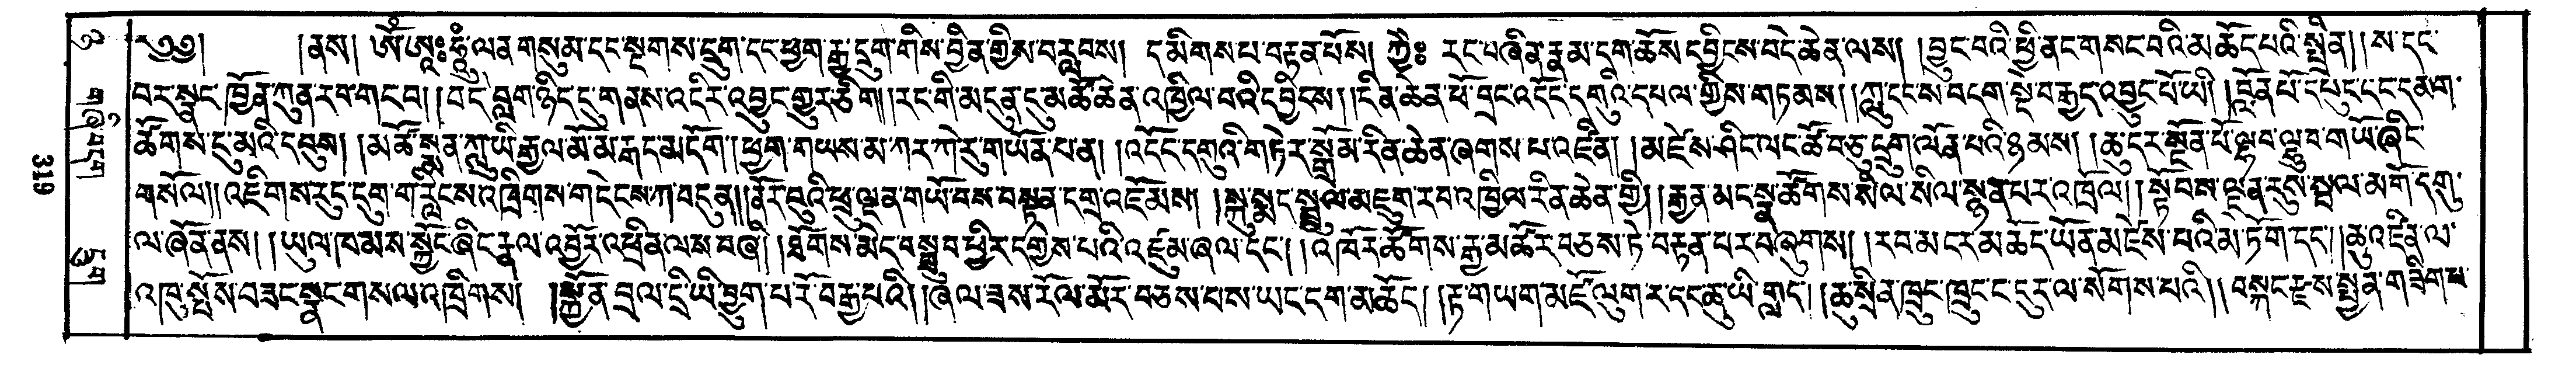༄༅། །ནས། ཨོཾ་ཨཱཿ ཧཱུཾ་ལན་གསུམ་དང་སྔགས་དྲུག་དང་ཕྱག་རྒྱ་དྲུག་གིས་བྱིན་གྱིས་བརླབས། དམིགས་པ་བརྟན་པོས། ཀྱཻཿ རང་བཞིན་རྣམ་ངག་ཆོས་དབྱིངས་བདེ་ཆེན་ལས། །བྱུང་བའི་ཕྱི་ནང་གསང་བའི་མཆོད་བའི་སྤྲིན། །ས་དང་
བར་སྣང་ཁྱོན་ཀུན་རབ་བ་གང་བ། །བདེ་བླག་ཉིད་དུ་གནས་འདིར་འབྱུང་གྱུར་ཅིག །རང་གི་མདུན་དུ་མཚོ་ཆེན་འཁྱིལ་བའི་དབྱིངས། །རིན་ཆེན་ཕོ་བྲང་འདོད་དགུའི་དཔལ་གྱིས་གཏམས། །ཀླུ་དང་ས་བདག་སྡེ་བརྒྱང་འབྱུང་པོ་ཡི། །བློན་པོ་དཔུང་དང་དམག་
ཚོགས་དུ་མའི་དབུས། །མཚོ་སྨན་ཀླུ་ཡི་རྒྱལ་མོ་མྲྒད་མདོག །ཕྱག་གཡས་མ་ཀར་ཀེ་རུ་གཡོན་པན། །འདོད་དགུའི་གཏེར་སྒྲོམ་རིན་ཆེན་ཞགས་པ་འཛིན། །མཛེས་ཤིང་ལ་ཚོ་བཅུ་དྲུག་ལོན་བའི་ཉམས། །ཆུ་དར་སྔོན་པོ་ལྷབ་ལྷུབ་གཡོ་ཞིང་
གསོལ༑ ༑འཇིགས་རུང་དུག་གི་རླངས་འཁྲིགས་གདེངས་ཀ་བདུན། །ནོར་བུའི་ཕྲུ་ལྡན་གཡོ་བས་བསྟན་དགྲ་འཇོམས། །སྐུ་སྨད་སྦྲུལ་མཇུག་རབ་འཁྱིལ་རིན་ཆེན་གྱི། །རྒྱན་མང་སྣ་ཚོགས་སིལ་སིལ་སྙན་པར་འཁྲོལ། །སྟོབས་ལྡན་རུས་སྦལ་མགོ་དགུ་
ལ་ཞོན་ནས། །ཡུལ་ཁམས་སྐྱོང་ཞིང་རྣལ་འབྱོར་འཕྲིན་ལས་བཞི། །ཐོགས་མེད་བསྒྲུབ་ཕྱིར་དགྱེས་པའི་འཛུམ་ཞལ་དང་། །འཁོར་ཚོགས་རྒྱ་མཚོར་བཅས་ཏེ་བརྟན་པར་བཞུགས། །རབ་མངར་མཆོད་ཡོན་མཛེས་པའི་མེ་ཏོག་དང་། །ཆུ་འཛིན་ལ་
འཁུ་སྤོས་བཟང་སྣང་གསལ་འཁྲིགས། །སྐྱོན་བྲལ་དྲི་ཡི་བྱུག་པ་རོ་བརྒྱ་པའི། །ཞལ་ཟས་རོལ་མོར་བཅས་པས་ཡང་དག་མཆོད། །རྟ་གཡག་མཛོ་ལུག་ར་དང་ཆུ་ཡི་གླང་། །ཆུ་སྲིན་ཁྲུང་ཁྲུང་ང་ངུར་ལ་སོགས་པའི། །བསྐང་རྫས་སྤྱན་གཟིགས་